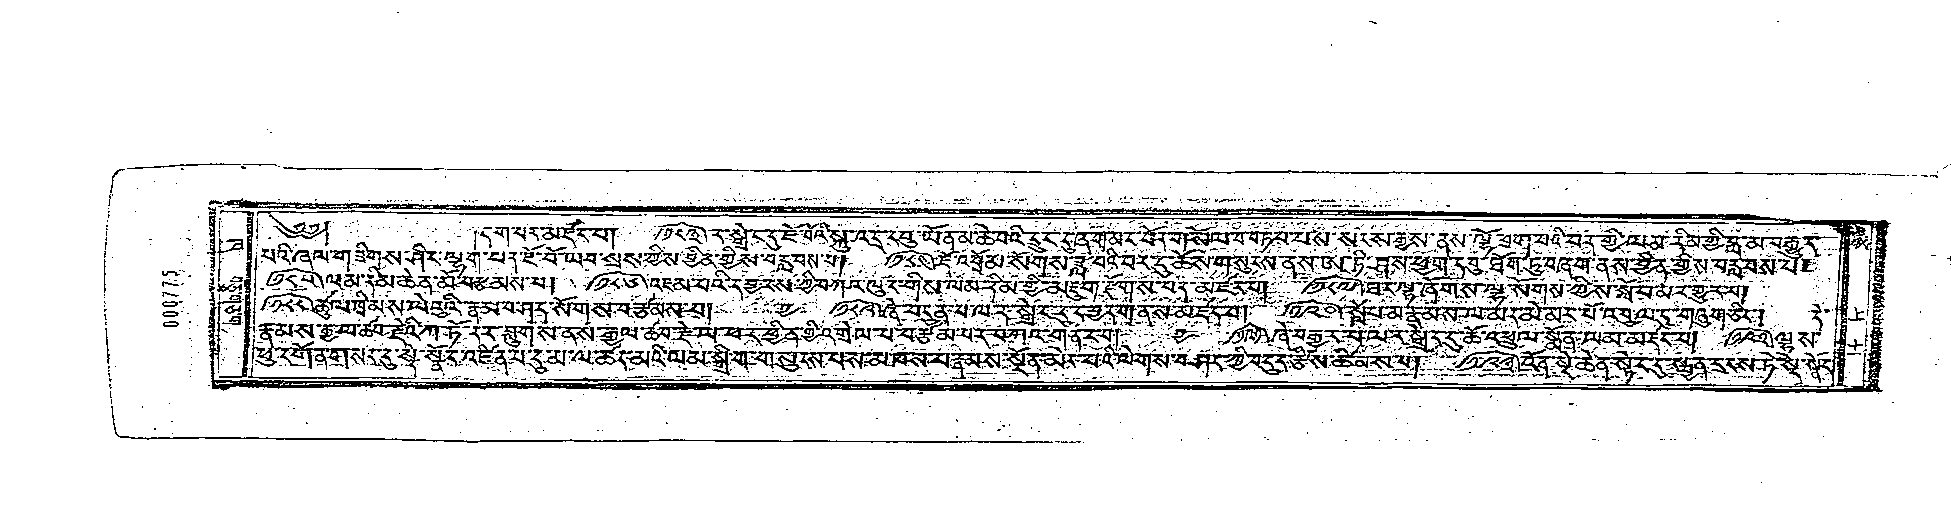༄༅། །དག་པར་མཛད་པ། ༡༨༣?་ར་སྒྲེང་དུ་ཇོ་བོའི་སྐུ་འདྲ་དབུ་ཡོན་མ་ཆེ་བའི་དྲུང་དུ་ཞག་མང་པོར་གསོལ་བ་བཏབ་པས་སངས་རྒྱས་ནས་ལྷོ་བྲག་པའི་བར་གྱི་ལམ་རིམ་གྱི་བླ་མ་བརྒྱུད་
པའི་ཞལ་གཟིགས་ཤིང་ལྷག་པར་ཇོ་བོ་ཡབ་སྲས་ཀྱིས་བྱིན་གྱིས་བརླབས་པ། ༡༨༤?་ཇོ་འབྲོམ་སོགས་ཟླ་བའི་བར་དུ་ཆོས་གསུངས་ནས་ཨ་ཏི་ཤས་ཕྱག་དབུ་ཐོག་ཏུ་བཞག་ནས་བྱིན་གྱིས་བརླ་བས་པ།
༼༡༨༥?་ལམ་རིམ་ཆེན་མོ་བརྩམས་པ། ༽༡༨༦?་འཇམ་པའི་དབྱངས་ཀྱི་བཀའ་ལུང་གིས་ལམ་རིམ་གྱི་མཇུག་རྫོགས་པར་མཛད་པ། ༡༨༧?་ཐང་ལྷ་ཞོགས་ལྷ་སོགས་ཀྱིས་སློབ་མར་གྱུར་པ།
༼༡༨༨?་ཚུལ་ཁྲིམས་ལེའུའི་རྣམ་བཤད་སོགས་བརྩམས་པ། ༧་༽༡༨༩?་ཞེ་བདུན་པ་ལ་ར་སྒྲེང་དུ་དབྱར་གན་ས་མཛད་པ། ༡༩༠?་སློབ་མ་རྣམས་ལ་མར་མེ་མང་པོ་འབུལ་དུ་གཞུག་ཅིང་། དེ་
རྣམས་རྒྱལ་ཚབ་རྗེའི་ཀ་ཏོ་རར་བླུགས་ནས་རྒྱལ་ཚབ་རྗེ་ལ་ཕར་ཕྱིན་གྱི་འགྲེལ་པ་བརྩམ་པར་བཀའ་གནང་པ། ༧ ༼༡༩༡?་ཞེ་བརྒྱད་པ་ལ་ར་སྒྲེང་དུ་ཆོ་འཕྲུལ་སྨོན་ལམ་མཛད་པ། ༽༡༩༢?་ལྷས་
ཕུ་དགོན་གསར་དུ་སྡེ་སྣོད་འཛིན་པ་དུ་མ་ལ་ཚད་མའི་ལམ་སྒྲིག་གསུངས་པས་མཁས་པ་རྣམས་སྔོན་མེད་པའི་ལེགས་བཤད་ཀྱི་བདུད་རྩིས་ཚིམས་པ། ༡༩༣?་འོན་སྡེ་ཆེན་སྟེང་དུ་སྦྱན་དྲངས་ཏེ་སྔེ་སྣོང་